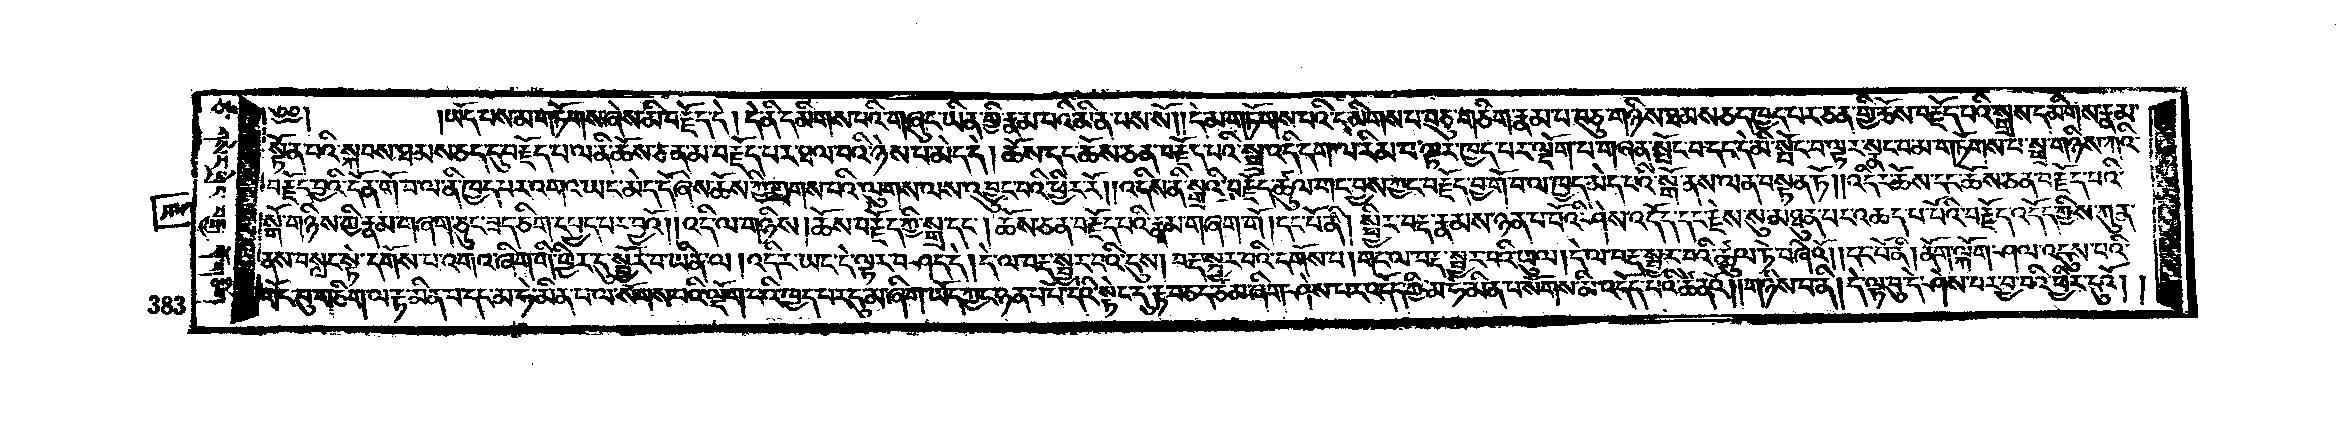༄༅། །ཡོད་པས་མ་གཏོགས་ཞེས་མི་བརྗོད་དེ། དེ་ནི་དམིགས་པའི་གཞུང་ཡིན་གྱི་རྣམ་པའི་མིན་པས་སོ། །དེ་མ་གཏོགས་པའི་དམིགས་པ་བཅུ་གཅིག་རྣམ་པ་བཅུ་གཉིས་ཐམས་ཅད་ཁྱད་པར་ཅན་གྱི་ཆོས་བརྗོད་པའི་སྒྲས་དམིགས་རྣམ་
སྟོན་པའི་སྐབས་ཐམས་ཅད་དུ་བརྗོད་པ་ལ་ནི་ཆོས་ཅན་མ་བརྗོད་པར་ཐལ་བའི་ཉེས་པ་མེད་དེ། ཆོས་དང་ཆོས་ཅན་བརྗོད་པའི་སྒྲ་འདི་དག་ལ་རིམ་པ་ལྟར་ཁྱད་པར་ལྡོག་པ་གཞན་སྤོང་བ་དང་དེ་མི་སྤོང་བ་ལྟར་སྣང་བ་མ་གཏོགས་པ་སྒྲ་གཉིས་ཀའི་
བརྗོད་བྱའི་དོན་གོ་བ་ལ་ནི་ཁྱད་པར་འགའ་ཡང་མེད་དོ་ཞེས་ཆོས་ཀྱི་གྲགས་པའི་ལུགས་ལས་འབྱུང་བའི་ཕྱིར་རོ། །འདིས་ནི་སྒྲའི་བརྗོད་ཚུལ་གང་བྱས་ཀྱང་བརྗོད་བྱ་གོ་བ་ལ་ཁྱད་མེད་པའི་སྒོ་ནས་ལན་བསྟན་ཏོ། །འདིར་ཆོས་དང་ཆོས་ཅན་བརྗོད་པའི་
སྒྲ་གཉིས་ཀྱི་རྣམ་གཞག་ཅུང་ཟད་ཅིག་དཔྱད་པར་བྱའོ། །འདི་ལ་གཉིས། ཆོས་བརྗོད་ཀྱི་སྒྲ་དང་། ཆོས་ཅན་བརྗོད་པའི་རྣམ་གཞག་གོ །དང་པོ་ནི། སྤྱིར་བརྡ་རྣམས་ཉན་པ་པོའི་ཤེས་འདོད་དང་རྗེས་སུ་མཐུན་པར་འཆད་པ་པོའི་བརྗོད་འདོད་ཀྱིས་ཀུན་
ནས་བསླང་སྟེ་དགོས་པ་འགའ་ཞིག་གི་ཕྱིར་དུ་སྦྱོར་བ་ཡིན་ལ། འདིར་ཡང་དེ་ལྟར་བཤད་དེ། དེ་ལ་བརྡ་སྦྱར་བའི་དུས། བརྡ་སྦྱར་བའི་དགོས་པ། གང་ལ་བརྡ་སྦྱར་བའི་ཡུལ། དེ་ལ་བརྡ་སྦྱར་བའི་ཚུལ་ཏེ་བཞིའོ། །དང་པོ་ནི། ནོག་ལྐོག་ཤལ་འདུས་པའི་
གོང་བུ་གཅིག་ལ་རྟ་མིན་པ་དང་མ་ཧེ་མིན་པ་ལ་སོགས་པའི་ལྡོག་པའི་ཁྱད་པར་དུ་མ་ཞིག་ཡོད་ཀྱང་ཉན་པ་པོ་དེའི་སྟེང་དུ་རྟ་བཅད་ཙམ་ཞིག་ཤེས་པར་འདོད་ཀྱི་མ་ཧེ་མིན་པ་སོགས་མི་འདོད་པའི་ཚེ་ནའོ། །གཉིས་པ་ནི། དེ་ལྟ་བུ་དེ་ཤེས་པར་བྱ་བའི་ཕྱིར་དུའོ། །